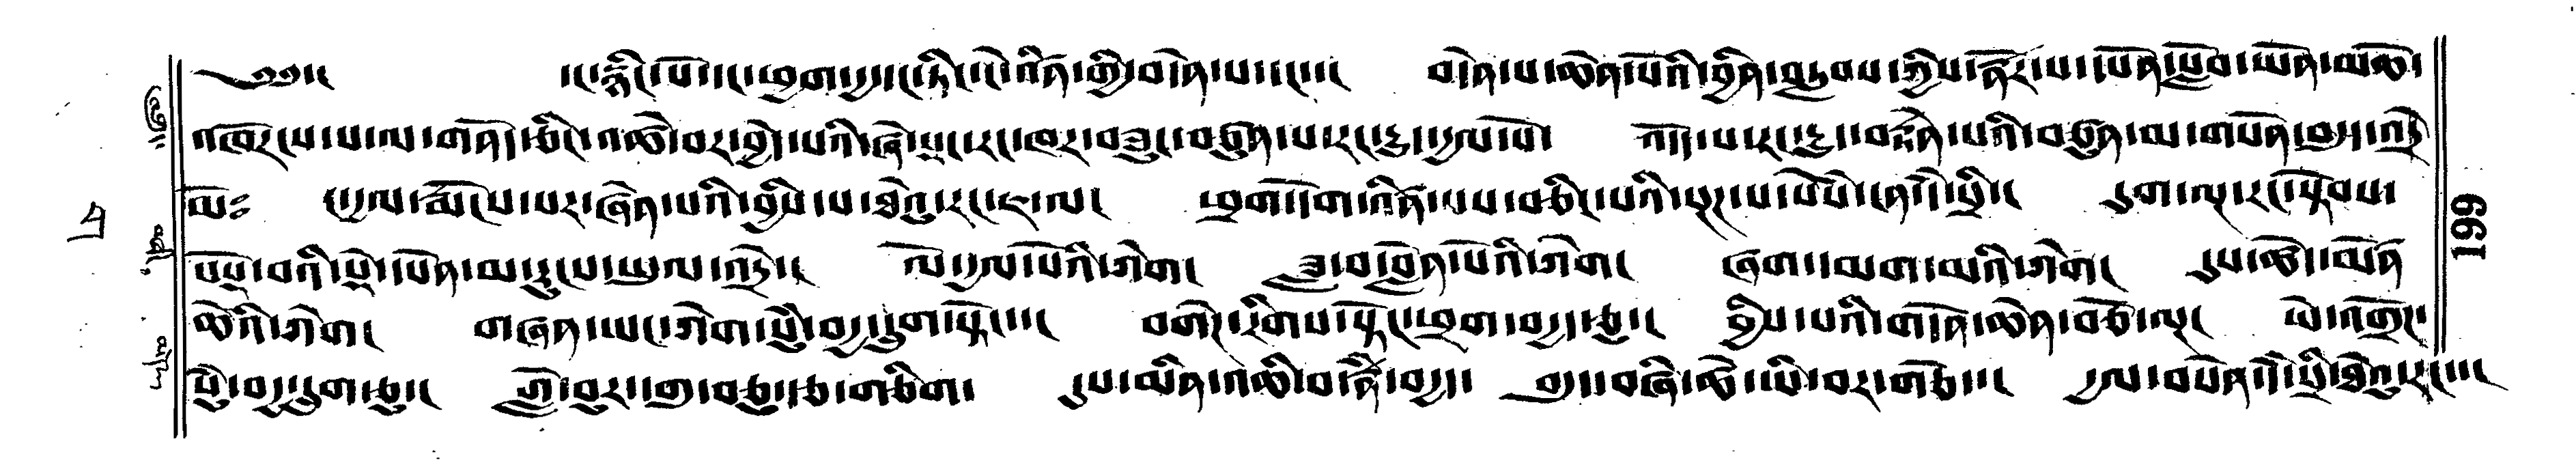དང་སྙིང་པོ་དང་ཕྱག་རྒྱ་དང་ཏིང་ངེ་འཛིན་གྱི་བདེན་པ་དང་། བདེན་པ་ཆེན་པོའི་བྱིན་བརླབས་ཀྱིས་རྣལ་འབྱོར་པ་དཔོན་སློབ་ཡོན་མཆོད་
འཁོར་དང་བཅས་པ་ལ་གནོད་ཅིང་འཚེ་བར་བྱེད་པའི་ཞེ་སྡང་རང་ཁར་བཟུང་པའི་བཙུན་པ་རང་རྒྱུད་རྒྱལ་པོ། འདོད་པ་རང་རྒྱུད་བརྟེན་པའི་བཙུན་མ་གསོན་བདུད་འདྲེ་
མོ། ང་རྒྱལ་རྨོངས་པར་ཞེན་པའི་བྱིས་པ་ཐེའུ་རང་ཇ་ལ། ཕྲག་དོག་འཛིན་པས་བཅིངས་པའི་སྔགས་པ་སེམས་ངན་དམ་སྲི། དུག་ལྔ་རང་སྟོབས་
བསྡོ་བའི་སྡེ་དཔོན་མ་རུངས་ཡུལ་འདྲེ། ལོ་རྒྱལ་པོའི་ཀེག ཟླ་བ་བློན་པོའི་ཀེག ཞག་དམག་མིའི་ཀེག དུས་ཚོད་མཚོན་
ཆའི་ཀེག གཞན་ཡང་ཀེག་སུམ་བརྒྱ་དྲུག་སྟོང་། བགེགས་རིགས་སྟོང་ཕྲག་བརྒྱད་ཅུ། བྱིས་པའི་གདོན་ཆེན་བཅོ་ལྔ། ཡེ་འགྲོགས་
སུམ་བརྒྱ་དྲུག་ཅུ། གློ་བུར་དགུ་བཅུ་རྩ་གཅིག དུས་མིན་འཆི་བ་རྣམ་བརྒྱད། བདུད་བཞི་ཚེ་ཡི་བར་གཅོད། རྒྱལ་བསོན་དམ་སྲི་ཐེའུ་རང་།